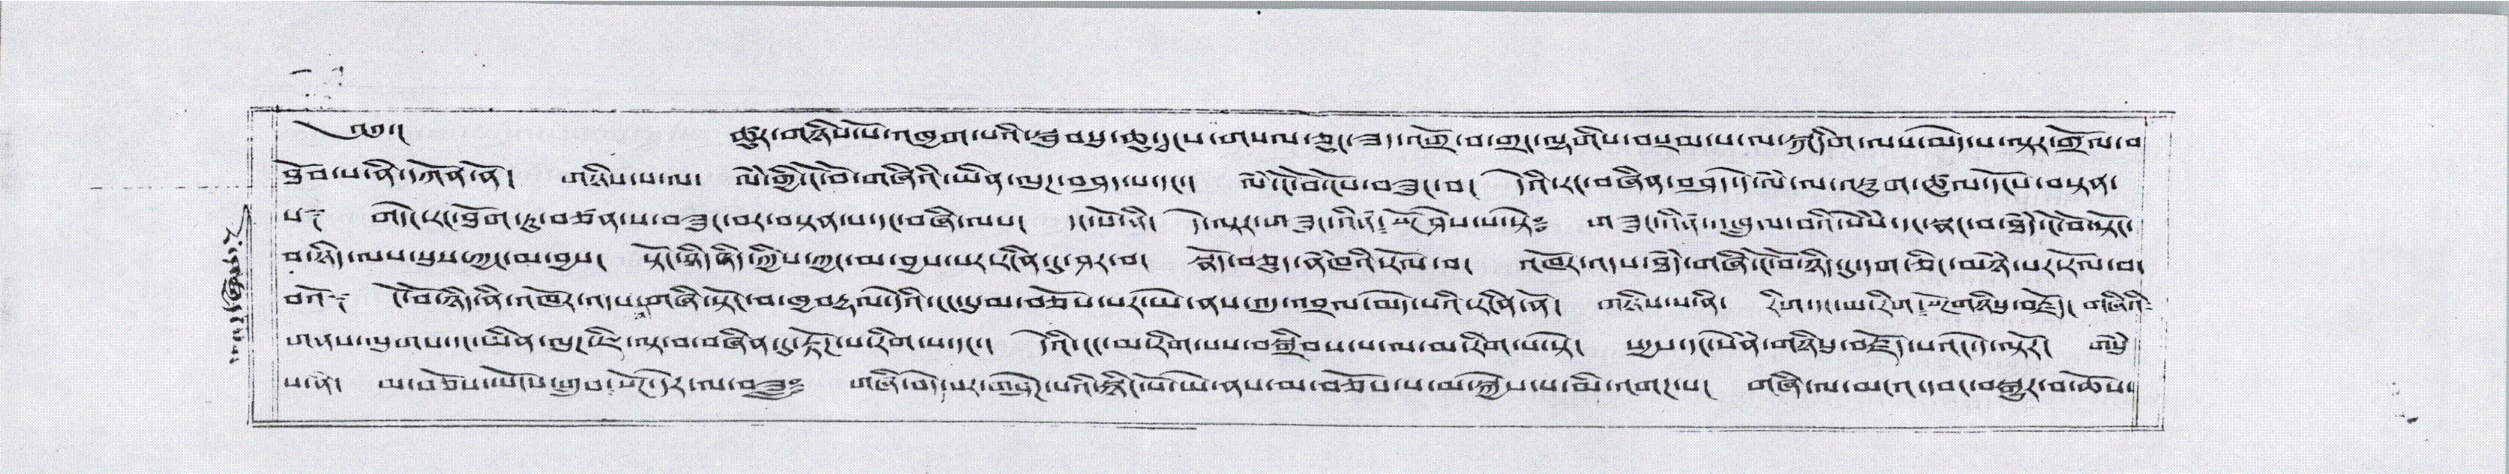ཚུར་གཉིས་པོ་འཁྱག་པའི་སྦུབས་སུ་ཆུ་དྭངས་གསལ་ཅུང་ཟད་འགྲོ་བ་གྲང་ལྷག་གིས་བསྡམས་པ་ལ་སྐད་ཅིག་ལས་མེད་པ་ལྟར་གྲོལ་བ་
ཐོབ་པ་ནི་དཀོན་ནོ། གཉིས་པ་ལ་ལམ་གྱི་ངོ་བོ་གཞིའི་ཡིན་ལུགས་བཤད་པ་དང་། ལམ་ངོ་བོ་ངོས་བཟུང་བ། དེའི་རང་བཞིན་བཤད་དེ་ལམ་ལ་འཇུག་ཚུལ་དངོས་བསྟན་
པ། གདེང་རང་ཐོག་ཏུ་བཙན་ས་བཟུང་བར་བསྟན་པ་དང་བཞི་ལས། དང་པོ་ནི། དེ་ལྟར་གཟུང་འཛིན་སོགས་ཤེས་པ་སྟེཿ གཟུང་འཛིན་འཁྲུལ་པའི་སེམས་དང་སྣང་བ་ཐམས་ཅད་ངོ་བོ་སྟོང་
པ་ཉིད་ལས་སུས་ཀྱང་མ་བྱས། སྟོང་ཉིད་ཀྱིིས་ཀྱང་མ་བྱས་པར་རང་བཞིན་དུ་ཤར་བ། སྣོད་བཅུད་ནམ་མཁའི་རོལ་པ། འཁོར་འདས་ཐམས་ཅད་གཞི་ངོ་བོ་ཉིད་དུ་དག་ཅིང་མཉམ་པར་རོལ་བ་
པའོ། ངོ་བོ་ཉིད་ནི་འཁོར་འདས་ཀྱི་གཞི་སྟོང་པ་ཁྱབ་བརྡལ་དེའི་ངང་དུ་མ་བཅོས་པར་ཡེ་ནས་འདུ་འབྲལ་མེད་པའི་རང་བཞིན་ནོ། གཉིས་པ་ནི། རིག་དང་མ་རིག་སོགས་གཉིས་སུ་བརྗོད་དོ། གཞི་
གནས་ལུགས་དང་ཡིན་ལུགས་ཇི་ལྟ་བ་བཞིན་དུ་རྟོགས་པ་རིག་པ་དང་། དེའི་ངང་མ་རིག་པས་བསྒྲིབས་པ་ལ་མ་རིག་པ་སྟེ། སངས་རྒྱས་དང་སེམས་ཅན་གཉིས་སུ་བརྗོད་པའང་དེ་ལྟར་རོ། གསུམ་
པ་ནི། མ་བཅོས་ཡོངས་གྲུབ་སོགས་དེར་ལ་བཟླཿ གཞི་བདེ་བར་གཤེགས་པའི་སྙིང་པོ་ཡེ་ནས་མ་བཅོས་པ་མ་སྐྱེས་པ་མི་འགག་པ། གཞི་ལ་མངའ་དབང་བསྒྱུར་བ་ཆོས་